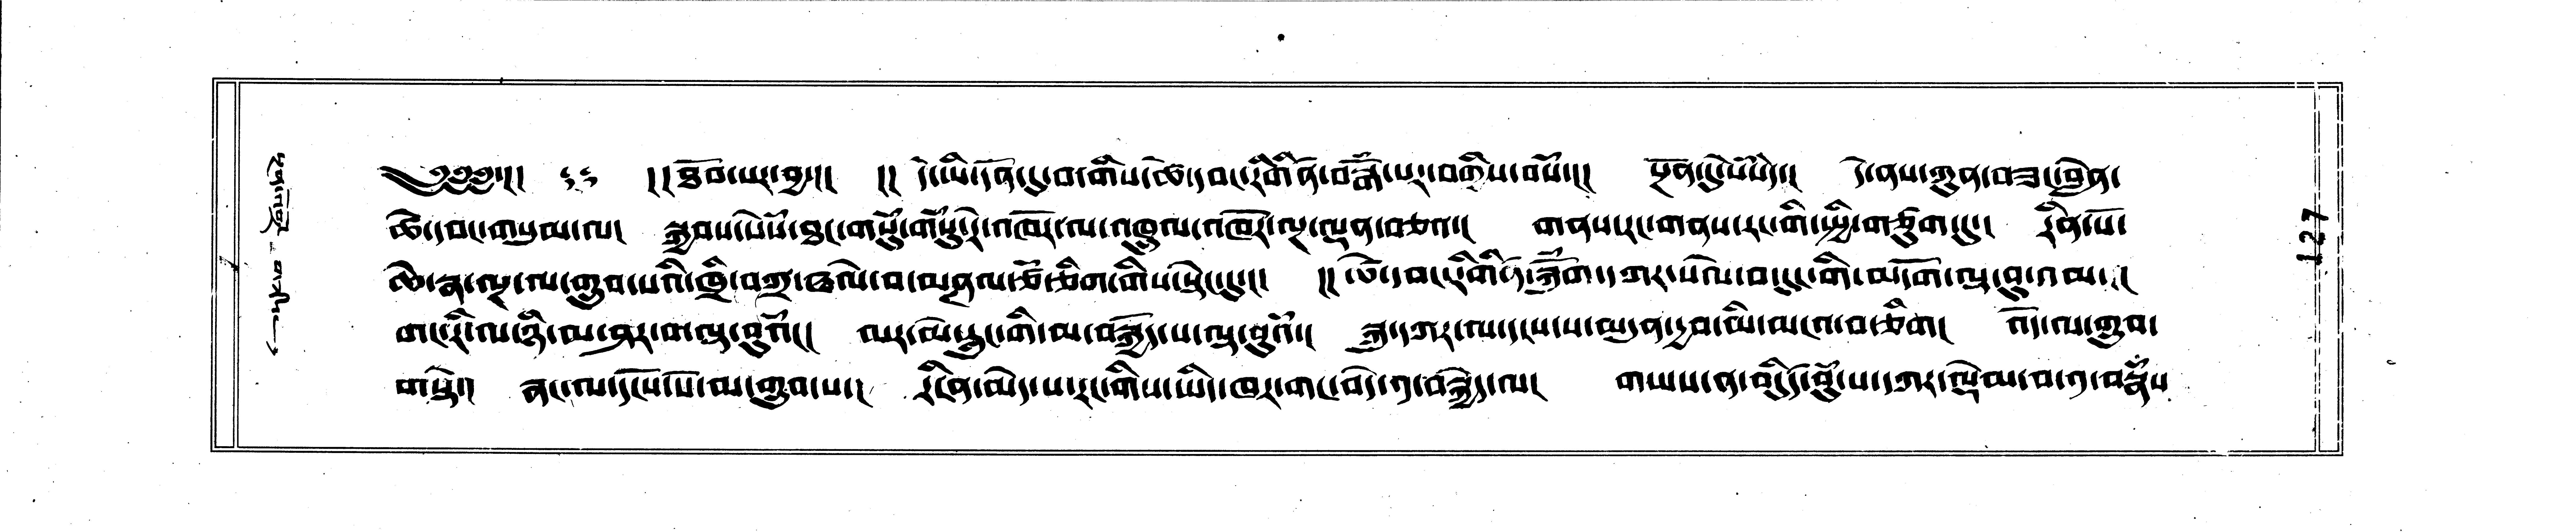ཐོབ་པར་བྱ། དེ་ཡི་དོན་དུ་བདག་གིས་ཚེ་དབང་རིག་འཛིན་བསྒོམ་པར་བགྱིས་བསམ། སྔོན་དུ་སེམས་བསྐྱེད། དེ་ནས་ཀུན་བཟང་བླ་ཆེན་
ཚེ་དབང་གསུམ་ལ། སྐྱབས་སེམས་ཐང་གསུམ་གསུམ་རེ་འཁོར་ལ་འཁྲུལ་འཁོར་ལྔ་ལྡན་བཅའ། གནས་རང་གནས་རང་གི་སྤྱི་གཙུག་དུ། རིན་པོ་
ཆེ་སྣ་ལྔ་ལ་གྲུབ་པའི་ཁྲི་བཀྲ་ཝལེ་བ་མནྜལ་ཙམ་ཅིག་གིས་སྟེང་དུ། ཚེ་དབང་རིག་འཛིན་སྐུ་མདོག་དཀར་སལེ་བ་དུང་གི་མདོག་ལྟ་བུ་འམ། 
གངས་རི་ལ་ཉི་མ་ཤར་བ་ལྟ་བུའམ། མར་མེ་རླུང་གི་མ་བསྐྱོད་པ་ལྟ་བུའམ། སྐུ་དཀར་ལ་དངས་པ་མདུན་རྒྱབ་མི་མངའ་བ་ཅིག འོད་ལས་གྲུབ་
པ་སྟེ། སྣང་ལ་དངོས་པོ་མ་གྲུབ་པ། རང་བཞིན་མེད་པ་རང་གིས་ཡིད་ཁར་གང་བདེ་གཅིག་བསྐྱེད་ལ། གཡས་ན་བདུད་རྩི་བུམ་པ་དཀར་ལྡེམ་པ་གཅིག་བསྣམས་